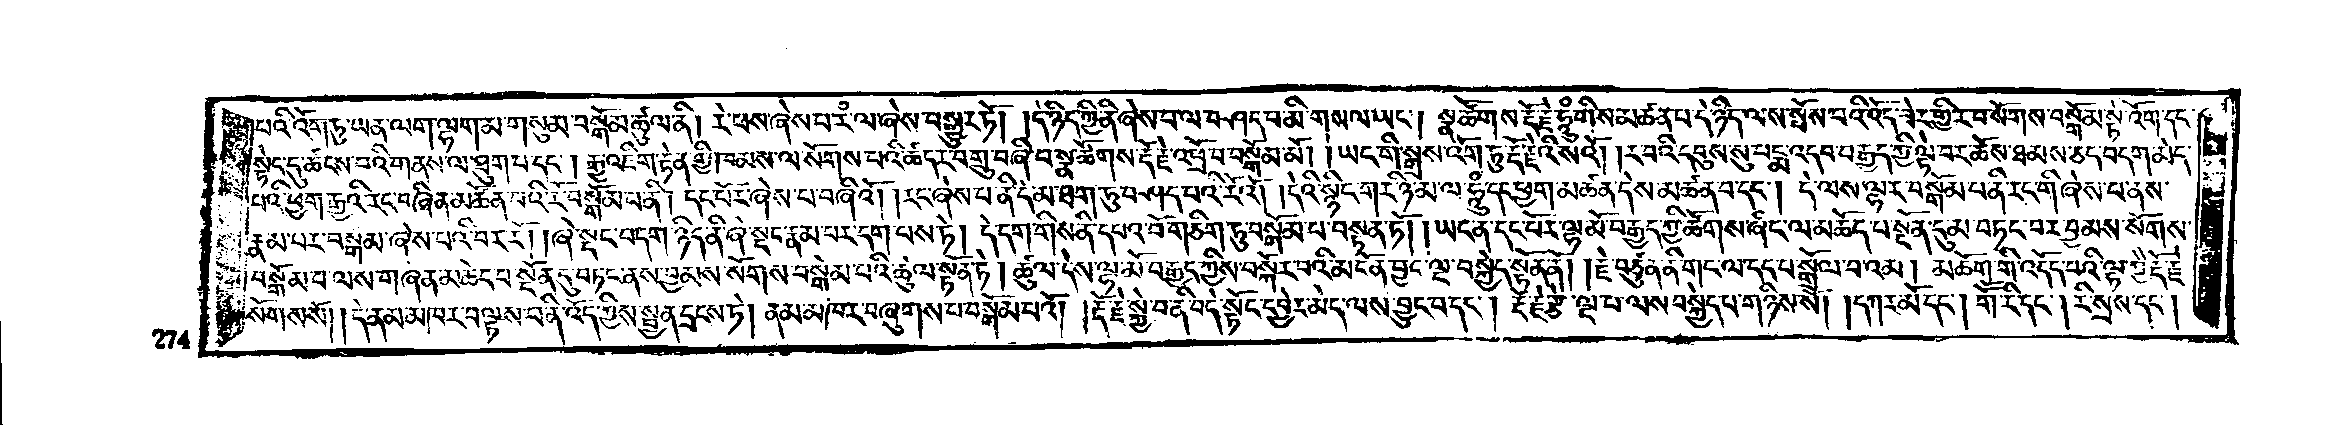པའི་འོག་ཏུ་ཡན་ལག་ལྷག་མ་གསུམ་བསྒོམ་ཚུལ་ནི། རེ་ཕས་ཞེས་པ་རཾ་ལ་ཞེས་བསྒྱུར་ཏོ། །དེ་ཉིད་ཀྱི་ནི་ཞེས་པ་ལ་བཤད་པ་མི་གསལ་ཡང་། སྣ་ཚོགས་རྡོ་རྗེ་ཧཱུཾ་གིས་མཚན་པ་དེ་ཉིད་ལས་སྤོས་པའི་འོད་ཟེར་གྱི་ར་བ་སོགས་བསྒོམ་སྟེ་འོག་དང་
སྟེང་དུ་ཚངས་པའི་གནས་ལ་ཐུག་པ་དང་། རྒྱ་འཇིག་རྟེན་གྱི་ཁམས་ལ་སོགས་པའི་ཚད་ར་བ་གྲུ་བཞི་པ་སྣ་ཚོགས་རྡོ་རྗེ་འཕྲོ་བ་བསྒོམ་མོ། །ཡང་གི་སྒྲས་འོག་ཏུ་རྡོ་རྗེའི་སའོ། །ར་བའི་དབུས་སུ་པདམ་འདབ་བརྒྱད་ཀྱི་ལྟེ་བར་ཆོས་ཐམས་ཅད་བདག་མེད་
པའི་ཕྱག་རྒྱའི་རང་བཞིན་མཚོན་པའི་རོ་བསྒོམ་པ་ནི། དང་པོར་ཞེ་པ་བཞིའོ། །རང་ཞེས་པ་ནི་དེ་མ་ཐག་ཏུ་བཤད་པའི་རོའོ། །དེའི་སྙིང་གར་ཉི་མ་ལ་ཧཱུཾ་དང་ཕྱག་མཚན་དེས་མཚན་པ་དང་། དེ་ལས་ལྷར་བསྒོམ་པ་ནི་རང་གི་ཞེས་པ་ནས་
རྣམ་པར་བསྒོམ་ཞེས་པའི་བར་རོ། །ཞེ་སྡང་བདག་ཉིད་ནི་ཞེ་སྡང་རྣམ་པར་དག་པས་ཏེ། དེ་དག་གིས་ནི་དཔའ་བོ་གཅིག་ཏུ་བསྒོམ་པ་བསྟན་ཏོ། །ཡང་ན་དང་པོར་ལྷ་མོ་བརྒྱད་ཀྱི་ཚོགས་ཞིང་ལ་མཆོད་པ་སྔོན་དུ་མ་བཏང་བར་བྱམས་སོགས་
བསྒོམ་པ་ལས་གཞན་མཆེད་པ་སྔོན་དུ་བཏང་ནས་བྱམས་སོགས་བསྒོམ་པའི་ཚུལ་སྟོན་ཏེ། ཚུལ་དེས་ལྷ་མོ་བརྒྱད་ཀྱིས་བསྐོར་བའི་མངོན་བྱང་ལྔ་བསྐྱེད་སྟོན་ནོ། །རྗེ་བཙུན་ནི་གང་ལ་དད་པ་སྒྲོལ་བ་འམ། མཆོག་གི་འདོད་པའི་ལྷ་ཀྱཻ་རྡོ་རྗེ་
སོགས་སོ། །དེ་ནམ་མཁར་བལྟས་པ་ནི་འོད་ཀྱིས་སྤྱན་དྲངས་ཏེ། ནམ་མཁར་བཞུགས་པ་བསྒོམ་པའོ། །རྡོ་རྗེ་སྐྱེ་བ་ནི་བདེ་སྟོང་དབྱེར་མེད་ལས་བྱུང་བ་དང་། རྡོ་རྗེ་རྩེ་ལྔ་པ་ལས་བསྐྱེད་པ་གཉིས་སོ། །དཀར་མོ་དང་། གཽ་རི་དང་། རི་སྲས་དང་།